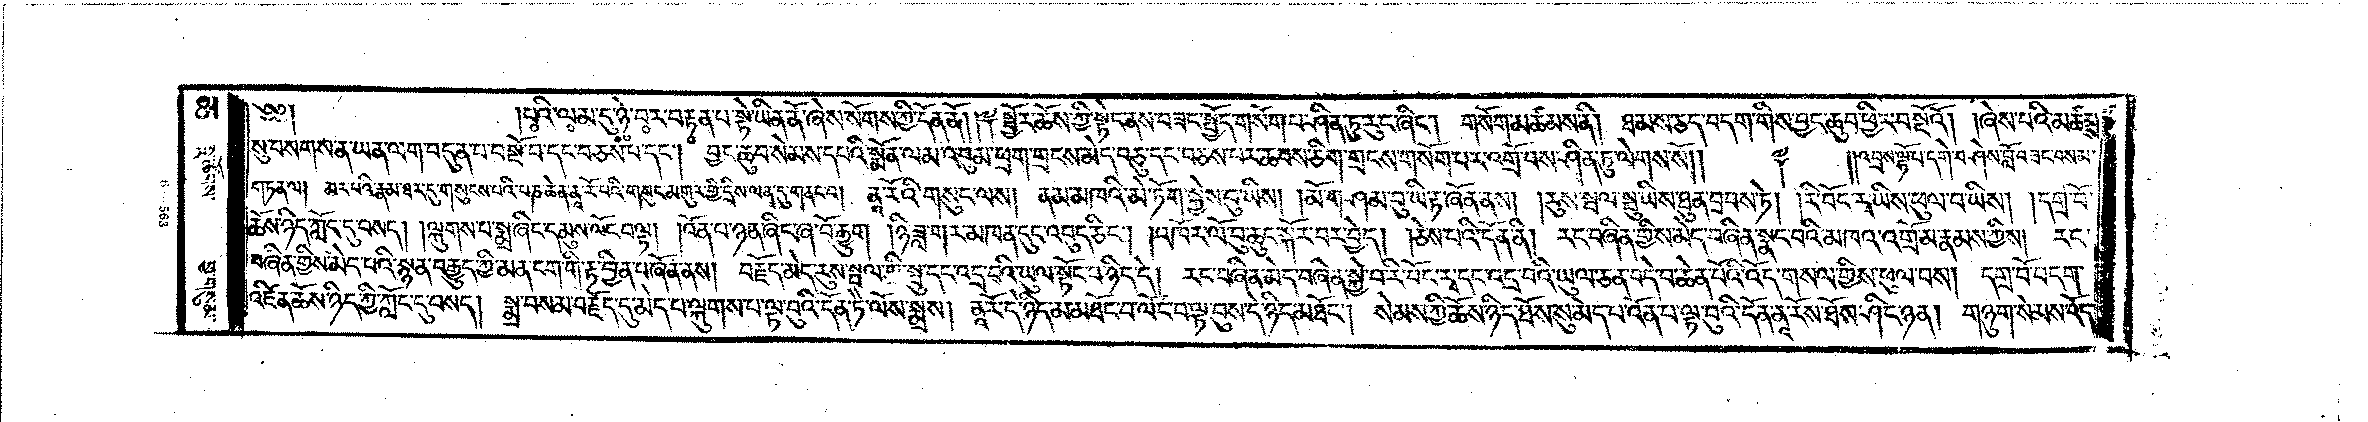༄༅། །པའི྾་ལམ྾་དུ་ཉེ་བར྾་བརྟན྾་པ་སྟེ་ཡིན་ནོ་ཞེས་སོགས་ཀྱི་དོན་ནོ། །༈ སྦྱོར་ཆོས་ཀྱི་སྟེང་ནས་བཟང་སྤྱོད་གསོག་པ་ཤིན་ཏུ་རུང་ཞིང་། གསོག་མཚམས་ནི། ཐམས་ཅད་བདག་གིས་བྱང་ཆུབ་ཕྱིར་བསྔོའོ། །ཞེས་པའི་མཚམས་
སུ་བསགས་ན་ཡན་ལག་བདུན་པ་བསྔོ་བ་དང་། བཅས་པ་དང་། བྱང་ཆུབ་སེམས་དཔའི་སྨོན་ལམ་འབུམ་ཕྲག་གྲངས་མེད་བཅུ་དང་བཅས་པར་ཆབས་ཅིག་གྲངས་གསོག་པར་འགྲོ་བས་ཤིན་ཏུ་ལེགས་སོ།། ༈ །།འབྲས་ལྷོ་པ་དགེ་བཤེས་བློ་བཟང་བསམ་
གཏན་ལ། མར་པའི་རྣམ་ཐར་དུ་གསུངས་པའི་པཎ་ཆེན་ནཱ་རོ་པའི་གསུང་མགུར་གྱི་དྲིས་ལན་དུ་གནང་བ། ནཱ་རོའི་གསུང་ལས། ནམ་མཁའི་མེ་ཏོག་སྐྱེས་བུ་ཡིས། །མོ་གཤམ་བུ་ཡི་རྟ་ཞོན་ནས། །རུས་སྦལ་སྤུ་ཡིས་ཐུན་བྲགས་ཏེ། །རི་བོང་རྭ་ཡིས་ཕུལ་བ་ཡིས། །དགྲ་བོ་
ཆོས་ཉིད་ཀློང་དུ་བསད། །ལྐུགས་པ་སྨྲ་ཞིང་དམུས་ལོང་བལྟ། །འོན་པ་ཉན་ཞིང་ཞ་བོ་རྒྱུག །ཉི་ཟླ་གར་མཁན་དུང་འབུད་ཅིང་། །འཁོར་ལོ་བུ་ཆུང་སྐོར་བར་བྱེད། །ཅེས་པའི་དོན་ནི། རང་བཞིན་གྱིས་མེད་བཞིན་སྣང་བའི་མཁའ་འགྲོ་མ་རྣམས་ཀྱིས། རང་
བཞིན་གྱིས་མེད་པའི་སྙན་བརྒྱུད་ཀྱི་མན་ངག་གི་རྟ་བྱིན་པ་ཞོན་ནས། བརྗོད་མེད་རུས་སྦལ་གྱི་སྤུ་དང་འདྲ་བའི་ཡུལ་སྟོང་པ་ཉིད་དེ། རང་བཞིན་མེད་བཞིན་སྐྱེ་བ་རི་བོང་རྭ་དང་འདྲ་བའི་ཡུལ་ཅན་བདེ་བ་ཆེན་པོའི་འོད་གསལ་གྱིས་ཕུལ་བས། དགྲ་བོ་བདག་
འཛིན་ཆོས་ཉིད་ཀྱི་ཀློང་དུ་བསད། སྨྲ་བསམ་བརྗོད་དུ་མེད་པ་ལྐུགས་པ་ལྟ་བུའི་དོན་ཏཻ་ལོས་སྨྲས། ནཱ་རོ་དེ་ཉིད་མ་མཐོང་བ་ལོང་བ་ལྟ་བུས་དེ་ཉིད་མཐོང་། སེམས་ཀྱི་ཆོས་ཉིད་ཐོས་སུ་མེད་པ་འོན་པ་ལྟ་བུའི་དོན་ནཱ་རོས་ཐོས་ཤིང་ཉན། གཉུག་སེམས་འོད་